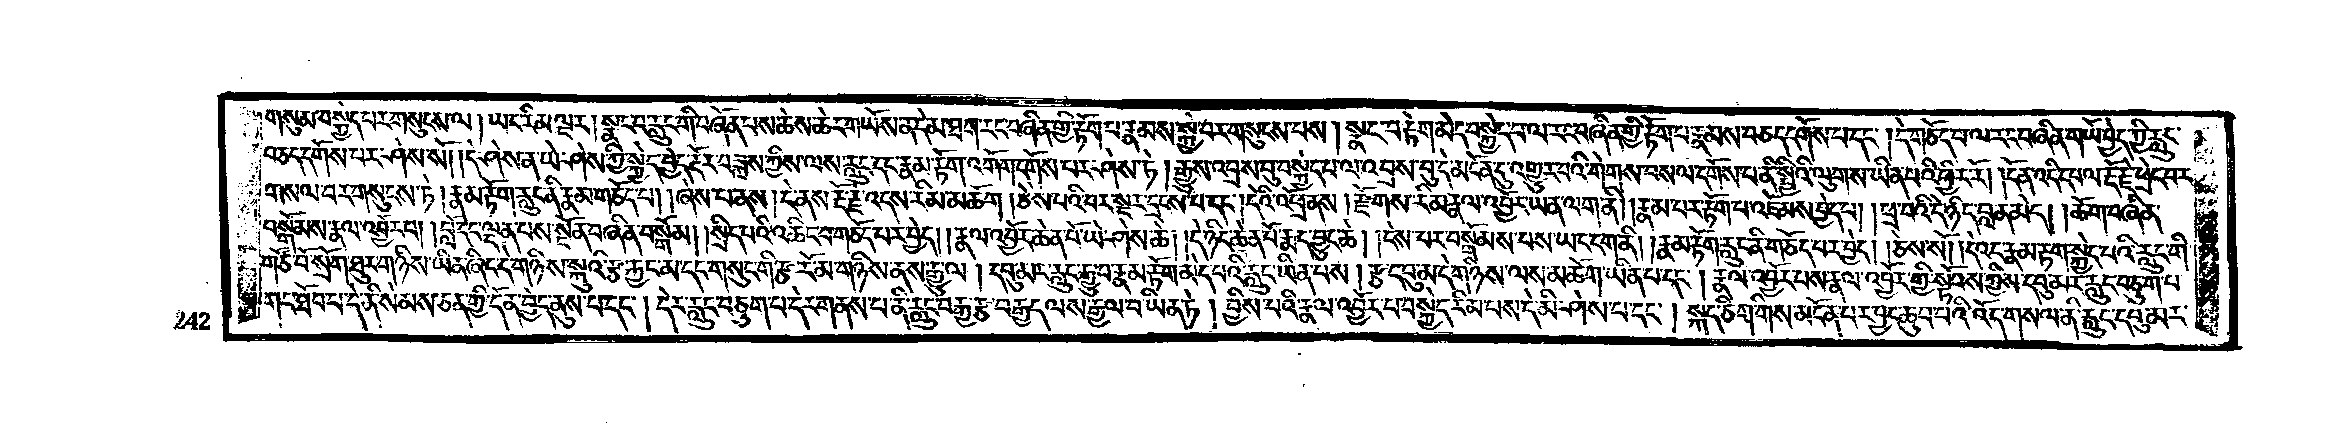གསུམ་བསྐྱེད་པར་གསུངས་ལ། ཡང་རིམ་ལྔར། སྣང་བ་རླུང་གི་བཞོན་པས་ཆེས་ཆེར་གཡོས་ན་དེ་མ་ཐག་རང་བཞིན་གྱི་རྟོག་པ་རྣམས་སྐྱེ་བར་གསུངས་པས། སྣང་བ་རྟོག་མེད་བསྐྱེད་པ་ལ་རང་བཞིན་གྱི་རྟོག་པ་རྣམས་བཅད་དགོས་པ་དང་། དེ་གཅོད་པ་ལ་རང་བཞིན་གཡོ་བྱེད་ཀྱི་རླུང་
བཅད་དགོས་པར་ཤེས་སོ། །དེ་ཤེས་ན་ཡེ་ཤེས་ཀྱི་སྐྱེད་བྱེད་རྡོར་བཟླས་ཀྱིས་ལས་རླུང་དང་རྣམ་རྟོག་འགོག་དགོས་པར་ཤེས་ཏེ། རྒྱུས་འབྲས་ཨུ་བསྐྱེད་པ་ལ་འབྲས་བུ་དེ་མངོན་དུ་འགྱུར་བའི་གེགས་བསལ་དགོས་པ་ནི་སྤྱིའི་ལུགས་ཡིན་པའི་ཕྱིར་རོ། །དོན་འདི་དཔལ་རྡོ་རྗེ་ཕྲེང་བར་
གསལ་བར་གསུངས་ཏེ། རྣམ་རྟོག་རླུང་ནི་རྣམ་གཅོད་པ། །ཞེས་པ་ནས། དེ་ནས་རྡོ་རྗེ་འདས་རིམ་མཆོག །ཅེས་པའི་བར་སྔར་དྲངས་པ་དང་། དེའི་འཕྲོ་ནས། རྫོགས་རིམ་རྣལ་འབྱོར་ཡན་ལག་ནི། །རྣམ་པར་རྟོག་པ་འཇོམས་བྱེད་པ། །ཕྲ་བའི་དེ་ཉིད་བླ་ན་མེད། །ཆོ་ག་བཞིན་
བསྒོམས་རྣལ་འབྱོར་པ། །བློ་དང་ལྡན་པས་སྔོན་བཞིན་བསྒོམ། །སྲིད་པའི་འཆིང་བ་གཅོད་པར་བྱེད། །རྣལ་འབྱོར་ཆེན་པོ་ཡེ་ཤེས་ཆེ། །དེ་ཉིད་ཆེན་པོ་རྨད་བྱུང་ཆེ། །ངེས་པར་བསྒོམས་པས་ཡང་དག་ནི། །རྣམ་རྟོག་རླུང་ནི་གཅོད་པར་བྱེད། །ཅེས་སོ། །དེའང་རྣམ་རྟག་སྐྱེད་པའི་རླུང་གི་
གཙོ་བོ་སྲོག་ཐུར་གཉིས་ཡིན་ཞིང་དེ་གཉིས་སྐུའི་རྩ་རྐྱང་མ་དང་གསུང་གི་རྩ་རོ་མ་གཉིས་ནས་རྒྱུ་ལ། དབུ་མར་རླུང་རྒྱུ་བ་རྣམ་རྟོག་མེད་པའི་རླུང་ཡིན་པས། རྩ་དབུ་མ་དེ་གཉིས་ལས་མཆོག་ཡིན་པ་དང་། རྣལ་འབྱོར་པས་རྣལ་འབྱོར་གྱི་སྟོབས་ཀྱིས་དབུ་མར་རླུང་བཅུག་པ་
གང་ཐོབ་པ་དེ་ནི་སེམས་ཅན་གྱི་དོན་བྱེད་ནུས་པ་དང་། དེར་རླུང་བཅུག་པ་དེར་གནས་པ་ནི་རླུང་བརྒྱ་རྩ་བརྒྱད་ལས་རྒྱལ་བ་ཡིན་ཏེ། བྱིས་པའི་རྣལ་འབྱོར་པ་བསྐྱེད་རིམ་པས་དེ་མི་ཤེས་པ་དང་། སྐད་ཅིག་གིས་མངོན་པར་བྱང་ཆུབ་པའི་འོད་གསལ་ནི་རླུང་དབུ་མར་